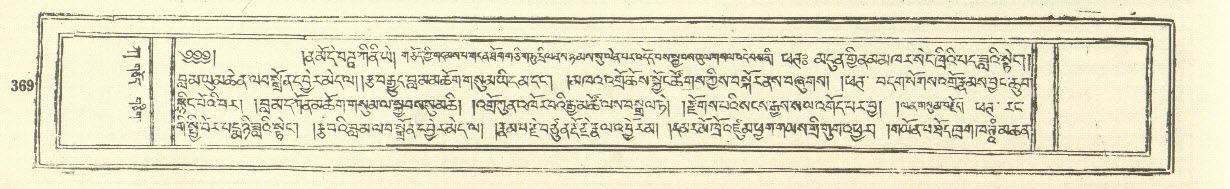༄༅༅། །ན་མོ་དེ་པཌཱ་ཀི་ནི་ཡེ། གཅོད་ཀྱི་གདམས་པ་གདན་ཐོག་གཅིག་གཏུ་དྲིལ་ནས་ཉམས་སུ་ལེན་པར་འདོད་པས་སྐྱབས་ཡུལ་གལ་འདེབས་ནི། ཕཊཿ མདུན་གྱི་ནམ་མཁར་སེང་ཁྲིའི་པད་ཟླའི་སྟེང་། །
བླ་མ་ཡུམ་ཆེན་ལ་བསྒྲོན་དབྱེར་མེད་ལ། །རྩ་བརྒྱུད་བླ་མ་མཆོག་གསུམ་ཡི་དམ་དང་། །མཁའ་འགྲོ་ཆོས་སྐྱོང་ཚོགས་ཀྱིས་བསྐོར་ནས་བཞུགས། །ཕཊ་བདག་སོགས་འགྲོ་རྣམས་བྱང་ཆུབ་
སྙིང་པོའི་པར། །བླ་མ་དཀོན་མཆོག་གསུམ་ལ་སྐྱབས་སུ་མཆི། །འགྲོ་ཀུན་འཁོར་བའི་རྒྱ་མཚོ་ལས་བགྲལ་ཏེ། །རྫོགས་པའི་སངས་རྒྱས་ས་ལ་འགོད་པར་བྱ། །ལན་གསུམ་བརྗོད། ཕཊ་རང་
གི་སྤྱི་བོར་པདམ་ཉི་ཟླའི་སྟེང་། །རྩ་བའི་བླ་མ་ལ་བསྒྲོན་དབྱེར་མེད་ལ། །རྣམ་པ་རྗེ་བཙུན་རྡོ་རྗེ་རྣལ་འབྱོར་མ། །དམར་མོ་ཁྲོ་འཛུམ་ཕྱག་གཡས་གྲི་གུར་འཕྱར། །གཡོན་པ་ཐོད་ཁུག་ཁཊཱཾ་མཆན་